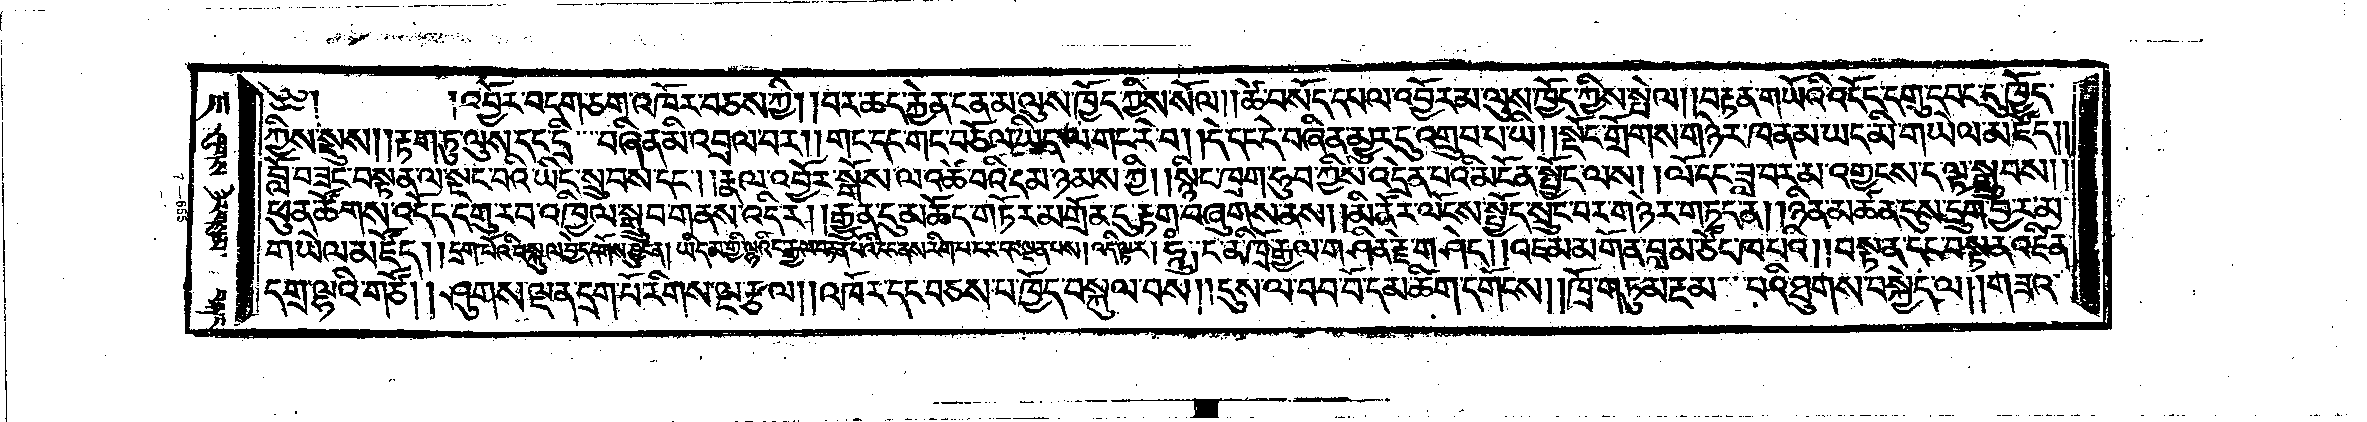༄༅། །འབྱོར་བདག་ཅག་འཁོར་བཅས་ཀྱི། །བར་ཆད་རྐྱེན་ངན་མ་ལུས་ཁྱོད་ཀྱིས་གསོལ། །ཚེ་བསོད་དཔལ་འབྱོར་མ་ལུས་ཁྱོད་ཀྱིས་སྤེལ། །བརྟན་གཡོའི་འདོད་དགུ་དབང་དུ་ཁྱོད་
ཀྱིས་སྡུས། །རྟག་ཏུ་ལུས་དང་དྲི་བཞིན་མི་འབྲལ་བར། །གང་དང་གང་བཅོལ་ཡིད་ལ་གང་རེ་བ། །དེ་དང་དེ་བཞིན་མྱུར་དུ་འགྲུབ་པ་ཡི། །སྡོང་གྲོགས་གཉེར་ཁ་ནམ་ཡང་མི་གཡེལ་མཛོད།།
བློ་བཟང་བསྟན་ལ་སྡང་པའི་ཡིད་སྲུབས་དང་། །རྣལ་འབྱོར་སྒོས་ལ་འཚེ་བའི་དམ་ཉམས་ཀྱི། །སྙིང་ཁྲག་ཆུབ་ཀྱིས་འདྲེན་པའི་མངོན་སྤྱོད་ལས། །ལོ་དང་ཟླ་བར་མ་འགྱངས་དག་ལྟ་སྒྲུབས། །
ཕུན་ཚོགས་འདོད་དགུར་རབ་འཁྱིལ་སྒྲུབ་གནས་འདིར། །རྒྱུན་དུ་མཆོད་གཏོར་མགྲོན་དུ་རྟག་བཞུགས་ནས། །མི་ནོར་ལོངས་སྤྱོད་སྲུང་བར་གཉེར་གཏད་ན། །ཉིན་མཚན་དུས་དྲུག་བྱར་མ་
གཡེལ་མཛོད། །དྲག་པོའི་བསྐུལ་བྱེད་དགོས་བྱུང་ན། ཡི་དམ་གྱི་ལྷའི་བརྒྱལ་བརྟོན་པོའི་རང་ནས་རིག་པ་རར་དབ་ལྡན་པས། འདི་ལྟར།  ཧཱུཾ༑ ང་ནི་ཁྲོ་རྒྱལ་གཤིན་རྗེ་གཤེད། །འཇམ་མགོན་བླ་མ་ཙོང་ཁ་པའི། །བསྟན་དང་བསྟན་འཛིན་
དགྲ་ལྷའི་གཙོ། །ཤུགས་ལྡན་དྲག་པོ་རིགས་ལྔ་རྩལ། །འཁོར་དང་བཅས་པ་ཁྱོད་བསྐུལ་བས། །དུས་ལ་བབ་བོ་དམ་ཚིག་དགོངས། །ཁྲོ་གཏུམ་རྔམ་པའི་ཐུགས་བསྐྱེད་ལ། །གཟའ་